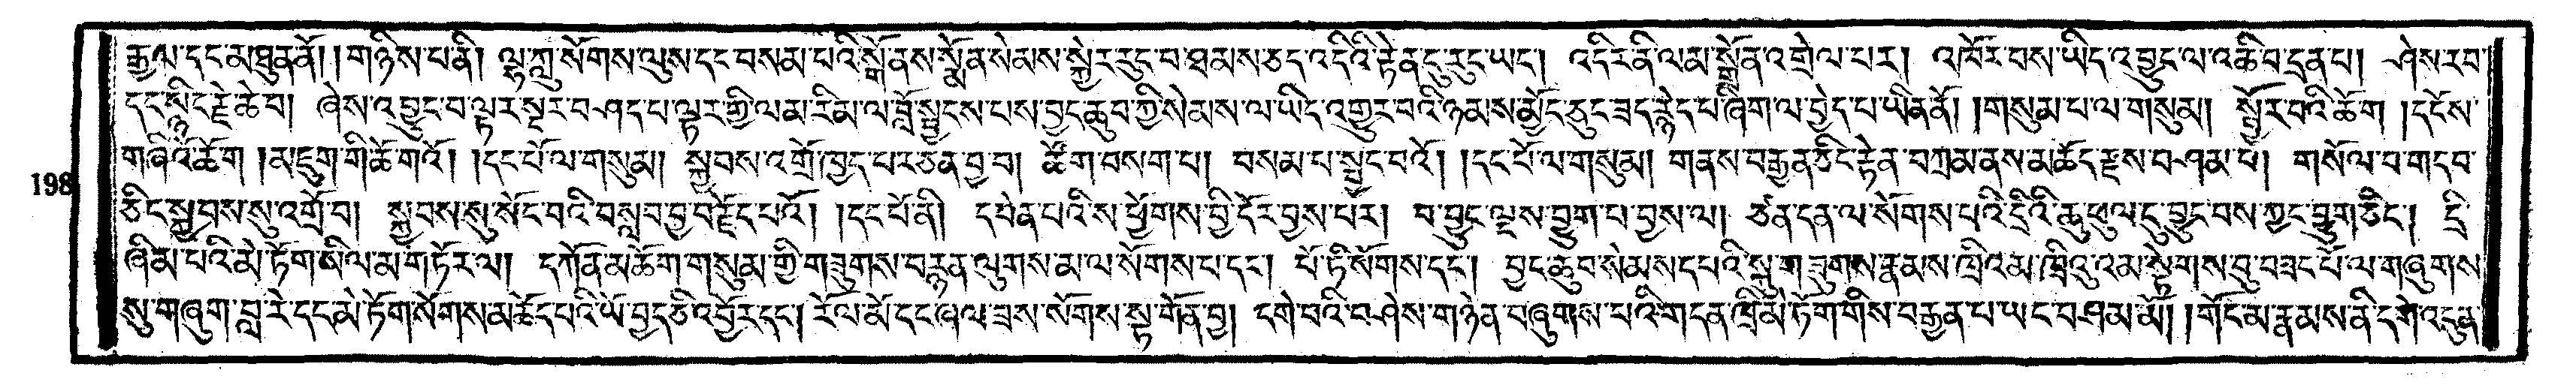རྒྱལ་དང་མཐུན་ནོ། །གཉིས་པ་ནི། ལྷ་ཀླུ་སོགས་ལུས་དང་བསམ་པའི་སྒོ་ནས་སྨོན་སེམས་སྐྱེར་རུང་བ་ཐམས་ཅད་འདིའི་རྟེན་དུ་རུང་ཡང་། འདིར་ནི་ལམ་སྒྲོན་འགྲེལ་པར། འཁོར་བས་ཡིད་འབྱུང་ལ་འཆི་བ་དྲན་པ། ཤེས་རབ་
དང་སྙིང་རྗེ་ཆེ་བ། ཞེས་འབྱུང་བ་ལྟར་སྔར་བཤད་པ་ལྟར་གྱི་ལམ་རིམ་ལ་བློ་སྦྱངས་པས་བྱང་ཆུབ་ཀྱི་སེམས་ལ་ཡིད་འགྱུར་བའི་ཉམས་མྱོང་ཅུང་ཟད་རྙེད་པ་ཞིག་ལ་བྱེད་པ་ཡིན་ནོ། །གསུམ་པ་ལ་གསུམ། སྦྱོར་བའི་ཆོག །དངོས་
གཞིའོ་ཆོ་ག། །མ་ཇུག་གི་ཆོ་གའོ། །དང་པོ་ལ་གསུམ། སྐྱབས་འགྲོ་ཁྱད་པར་ཅན་བྱ་བ། ཚོག་བསག་པ། བསམ་པ་སྤྱང་བའོ། །དང་པོ་ལ་གསུམ། གནས་བརྒྱན་ཅིང་རྟེན་བཀྲམ་ནས་མཆོད་རྫས་བཤམ་པ། གསོལ་པ་གདབ་
ཅིང་སྐྱབས་སུ་འགྲོ་བ། སྐྱབས་སུ་སོང་བའི་བསླབ་བྱ་བརྗོད་པའོ། །དང་པོ་ནི། དཔེན་པའི་ས་ཕྱོགས་བྱི་དོར་བྱས་པར། བ་བྱུང་ལྔས་བྱུག་པ་བྱས་ལ། ཙན་དན་ལ་སོགས་པའི་དྲིའི་ཆུ་ཕུལ་དུ་བྱུང་བས་ཀྱང་བྱུག་ཅིང་། དྲི་
ཞིམ་པའི་མེ་ཏོག་སིལ་མ་གཏོར་ལ། དཀོན་མཆོག་གསུམ་གྱི་གཟུགས་བརྙན་ལུགས་མ་ལ་སོགས་པ་དང་། པོ་ཏི་སོགས་དང་། བྱང་ཆུབ་སེམས་དཔའི་སྐུ་གཟུགས་རྣམས་ཁྲིའུ་འམ་ཁྲིའུ་འམ་སྟེགས་བུ་བཟང་པོ་ལ་གཞུགས་
སུ་གཞུག་བླ་རེ་དང་མེ་ཏོག་སོགས་མཆོད་པའི་ཡོ་བྱད་ཅི་འབྱོར་དང་། རོལ་མོ་དང་ཞལ་ཟས་སོགས་སྟ་གོན་བྱ། དགེ་བའི་བཤེས་གཉེན་བཞུགས་པའི་གདན་ཁྲི་མེ་ཏོག་གིས་བརྒྱན་པ་ཡང་བཤམ་མོ། །གོང་མ་རྣམས་ནི་དགེ་འདུན་